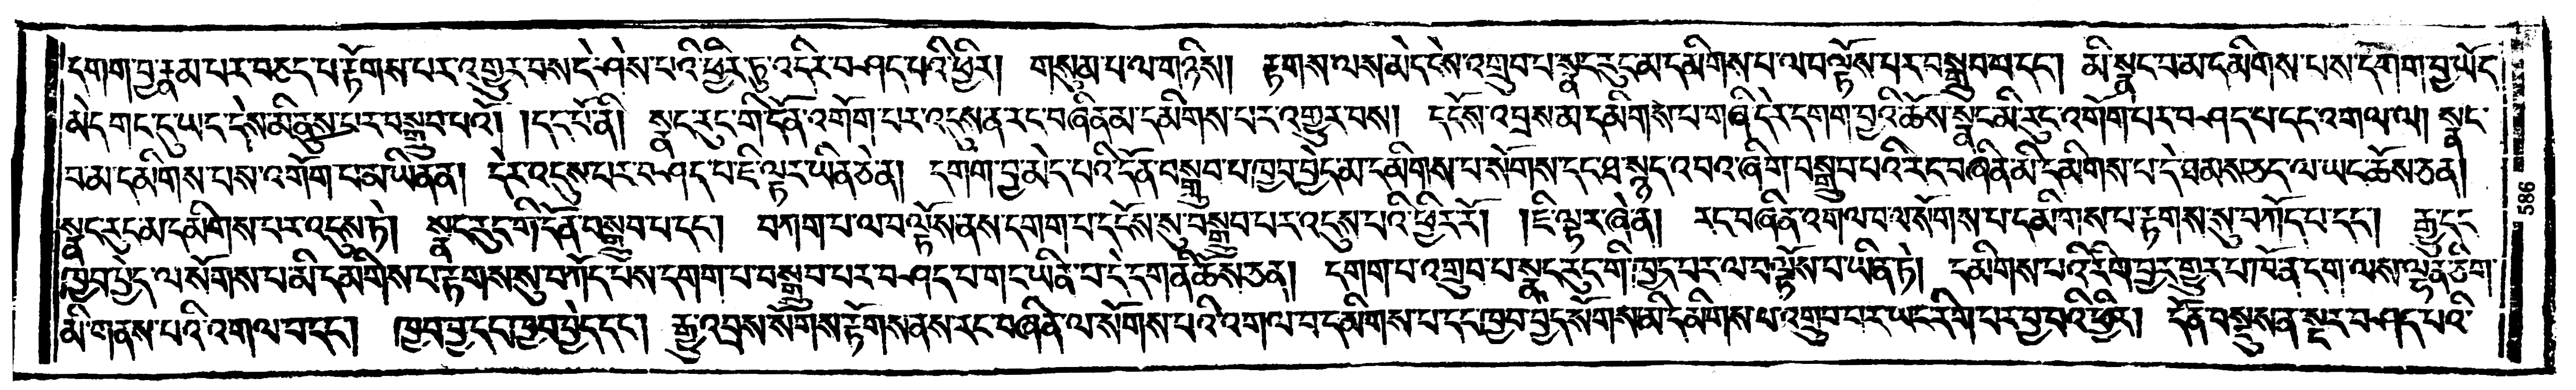དགག་བྱ་རྣམ་པར་བཅད་པ་རྟོགས་པར་འགྱུར་པས་དེ་ཤེས་པའི་ཕྱིར་ཏུ་འདིར་བཤད་པའི་ཕྱིར། གསུམ་པ་ལ་གཉིས། རྟགས་ལས་མེད་ངེས་འགྲུབ་པ་སྣང་རུང་མ་དམིགས་པ་ལ་བལྟོས་པར་བསྒྲུབ་པ་དང་། མི་སྣང་བ་མ་དམིགས་པས་དགག་བྱ་ཡོད་
མེད་གང་དུ་ཡང་དེས་མི་ནུས་པར་བསྒྲུབ་པའོ། །དང་པོ་ནི། སྣང་རུང་གི་དོན་འགོག་པར་འདུས་ན་རང་བཞིན་མ་དམིགས་པར་འགྱུར་བས། དངོས་འབྲས་མ་དམིགས་པ་གཞི་དེར་དགག་བྱའི་ཆོས་སྣང་མི་རུང་འགོག་པར་བཤད་པ་དང་འགལ་ལ། སྣང་
བ་མ་དམིགས་པས་འགོག་པ་མ་ཡིན་ན། དེར་འདུས་པར་བཤད་པ་ཇི་ལྟར་ཡིན་ཅེ་ན། དགག་བྱ་མེད་པའི་དོན་བསྒྲུབ་པ་ཁྱབ་བྱེད་མ་དམིགས་པ་སོགས་དང་ཐ་སྙད་འབའ་ཞིག་བསྒྲུབ་པའི་རང་བཞིན་མི་དམིགས་པ་དེ་ཐམས་ཅད་ལ་ཡང་ཆོས་ཅན།
སྣང་རུང་མ་དམིགས་པར་འདུས་ཏེ། སྣང་རུང་གི་དོན་བསྒྲུབ་པ་དང་། བཀག་པ་ལ་བལྟོས་ནས་དགག་པ་དངོས་སུ་བསྒྲུབ་པར་འདུས་པའི་ཕྱིར་རོ། །ཇི་ལྟར་ཞེ་ན། རང་བཞིན་འགལ་བ་ལ་སོགས་པ་དམིགས་པ་རྟགས་སུ་བཀོད་པ་དང་། རྒྱུ་དང་
ཁྱབ་བྱེད་ལ་སོགས་པ་མི་དམིགས་པ་རྟགས་སུ་བཀོད་པས་དགག་པ་བསྒྲུབ་པར་བཤད་པ་གང་ཡིན་པ་དེ་དག་ནི་ཆོས་ཅན། དགག་པ་འགྲུབ་པ་སྣང་རུང་གི་ཁྱད་པར་ལ་བལྟོས་པ་ཡིན་ཏེ། དམིགས་པའི་རིག་བྱར་གྱུར་པ་ཁོ་ན་དག་ལས་ལྷན་ཅིག་
མི་གནས་པའི་འགལ་བ་དང་། ཁྱབ་བྱ་དང་ཁྱབ་བྱེད་དང་། རྒྱུ་འབྲས་སོགས་རྟོགས་ནས་རང་བཞིན་ལ་སོགས་པའི་འགལ་བ་དམིགས་པ་དང་ཁྱབ་བྱེད་སོགས་མི་དམིགས་པ་འགྲུབ་པར་ཡང་རིག་པར་བྱ་བའི་ཕྱིར། དོན་བསྡུས་ན་སྔར་བཤད་པའི་